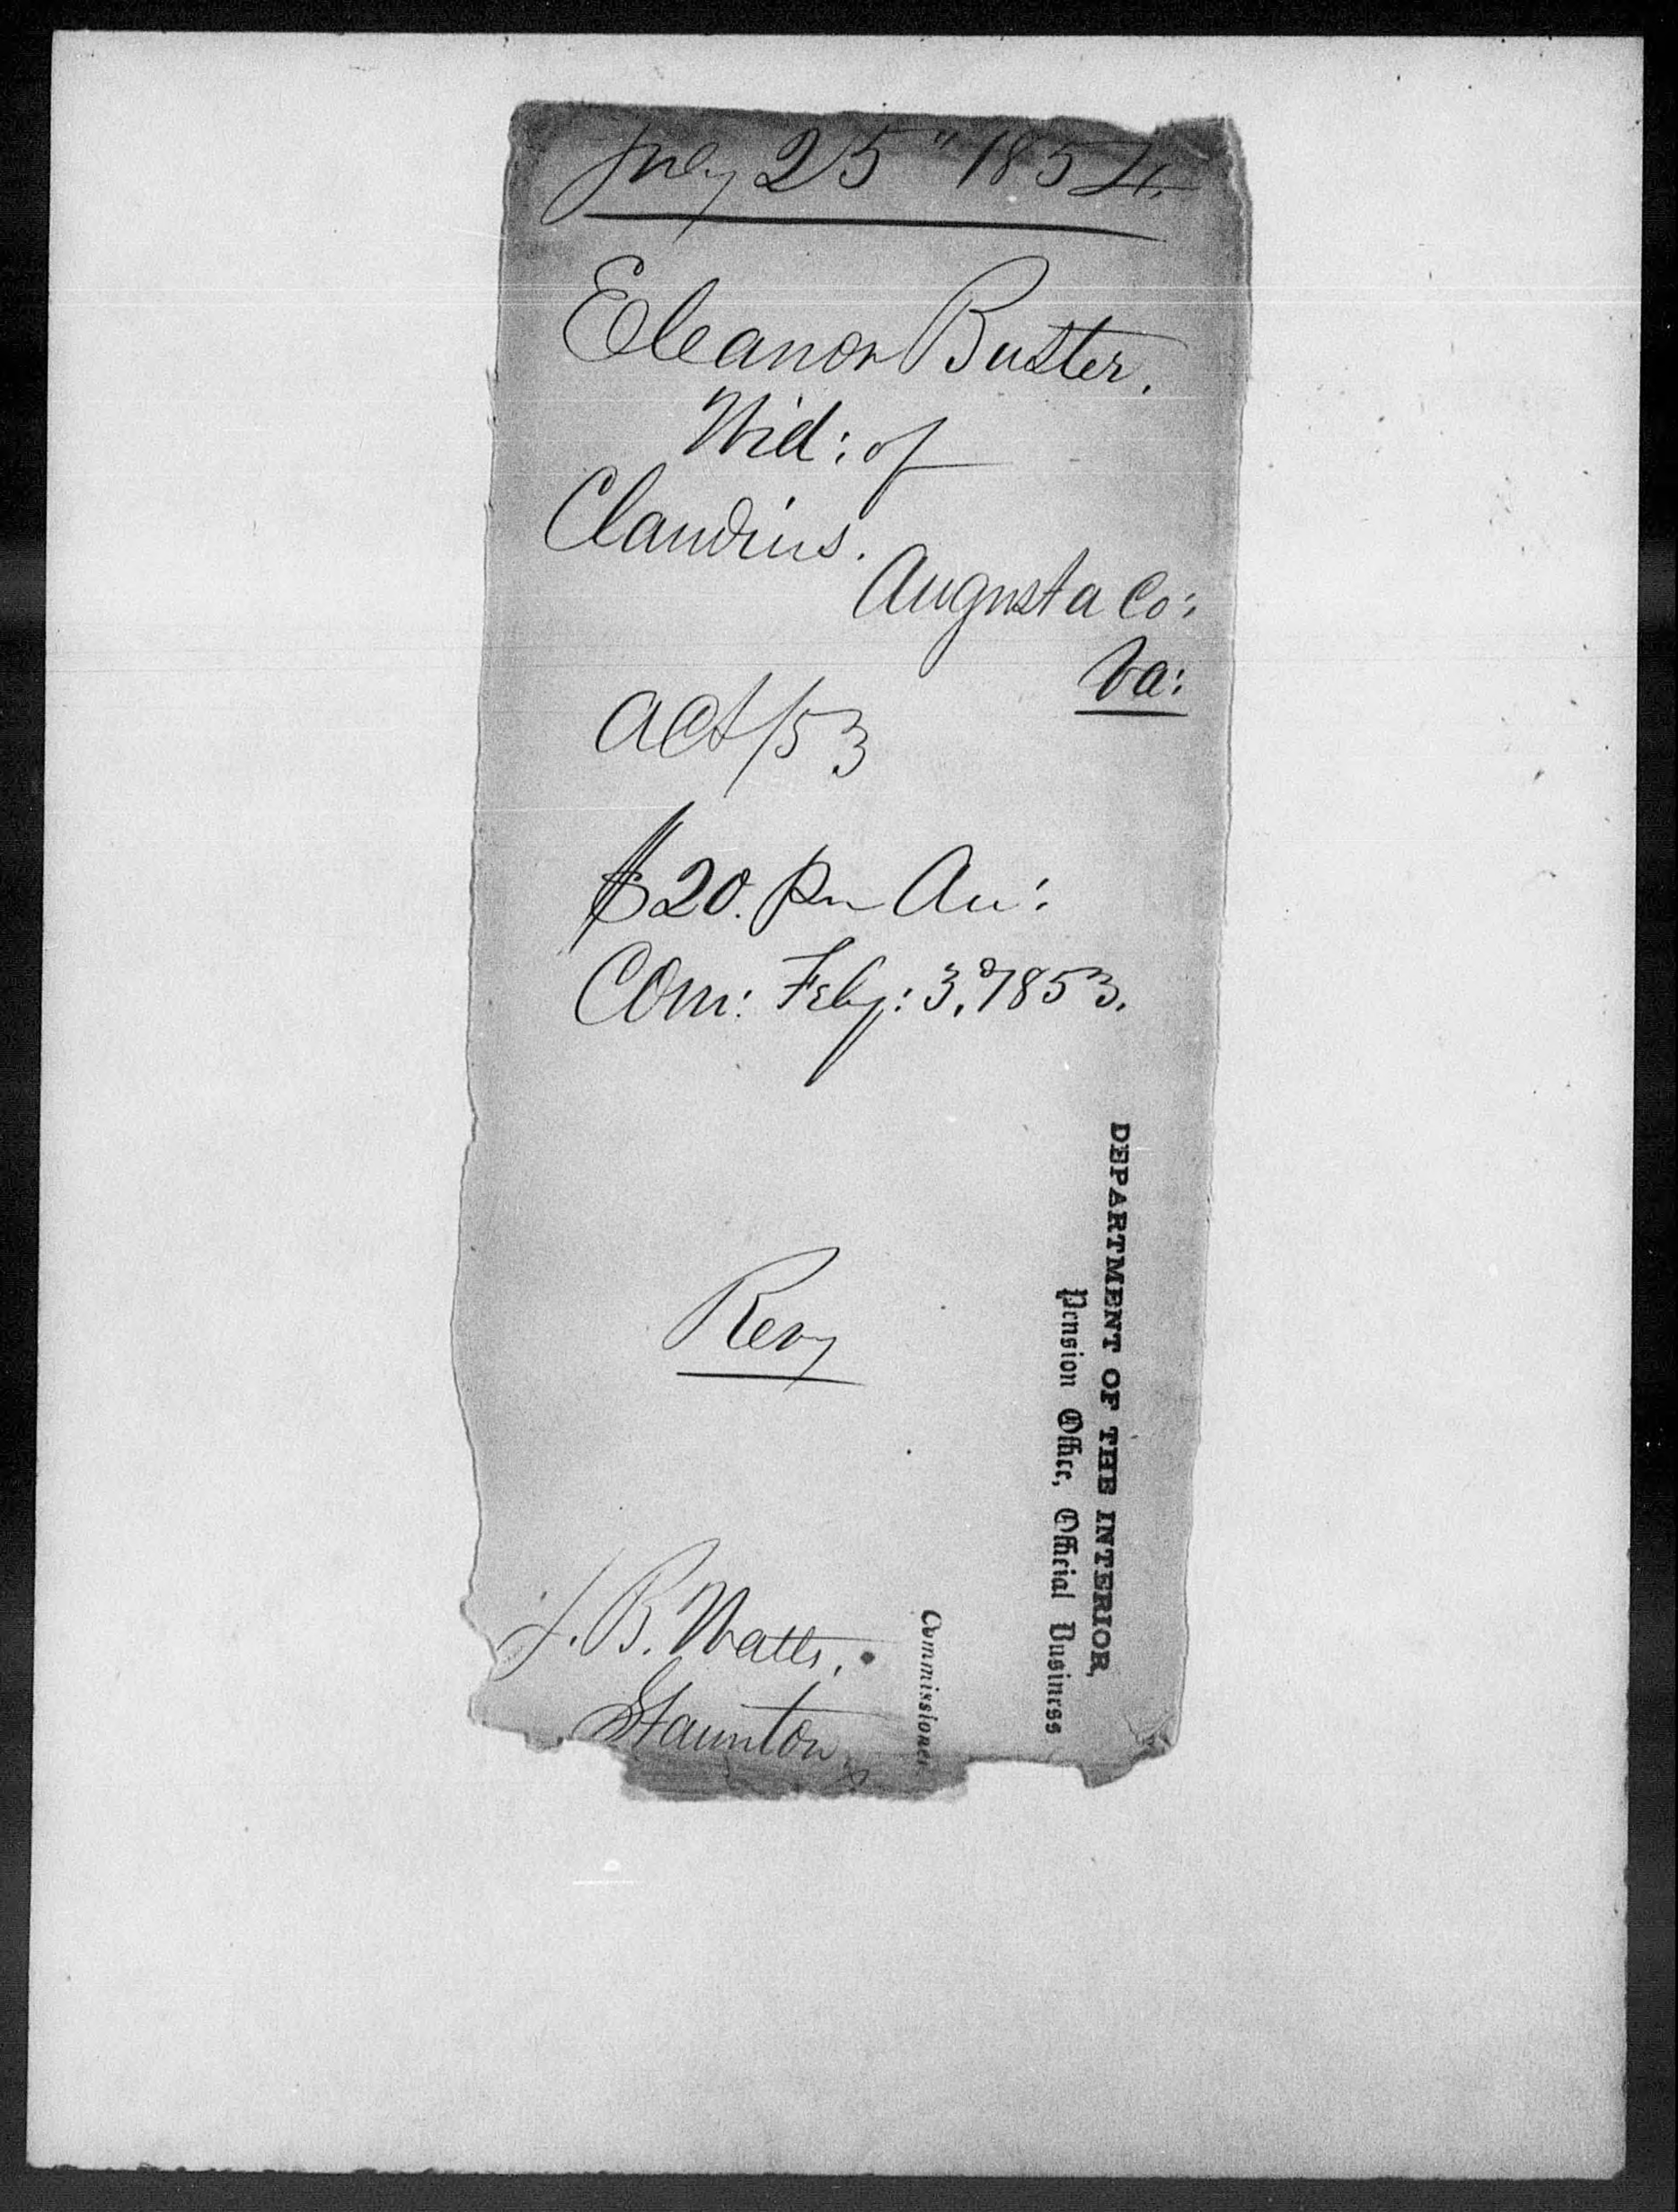July 25" 1854

Eleanor Buster.
Wid: of
Claudius.
Augusta Co: Va:

act/53

$20. per an:
Com: Feby: 3, 1853.

Revy

J. B. Watts,
Staunton,

DEPARTMENT OF THE INTERIOR,
Pension Office, Official Business

Commissioner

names: Claudius Buster, J B Watts, Eleanor Buster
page: 21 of 71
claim: widow's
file: W. 25310, Claudius Buster, Va.